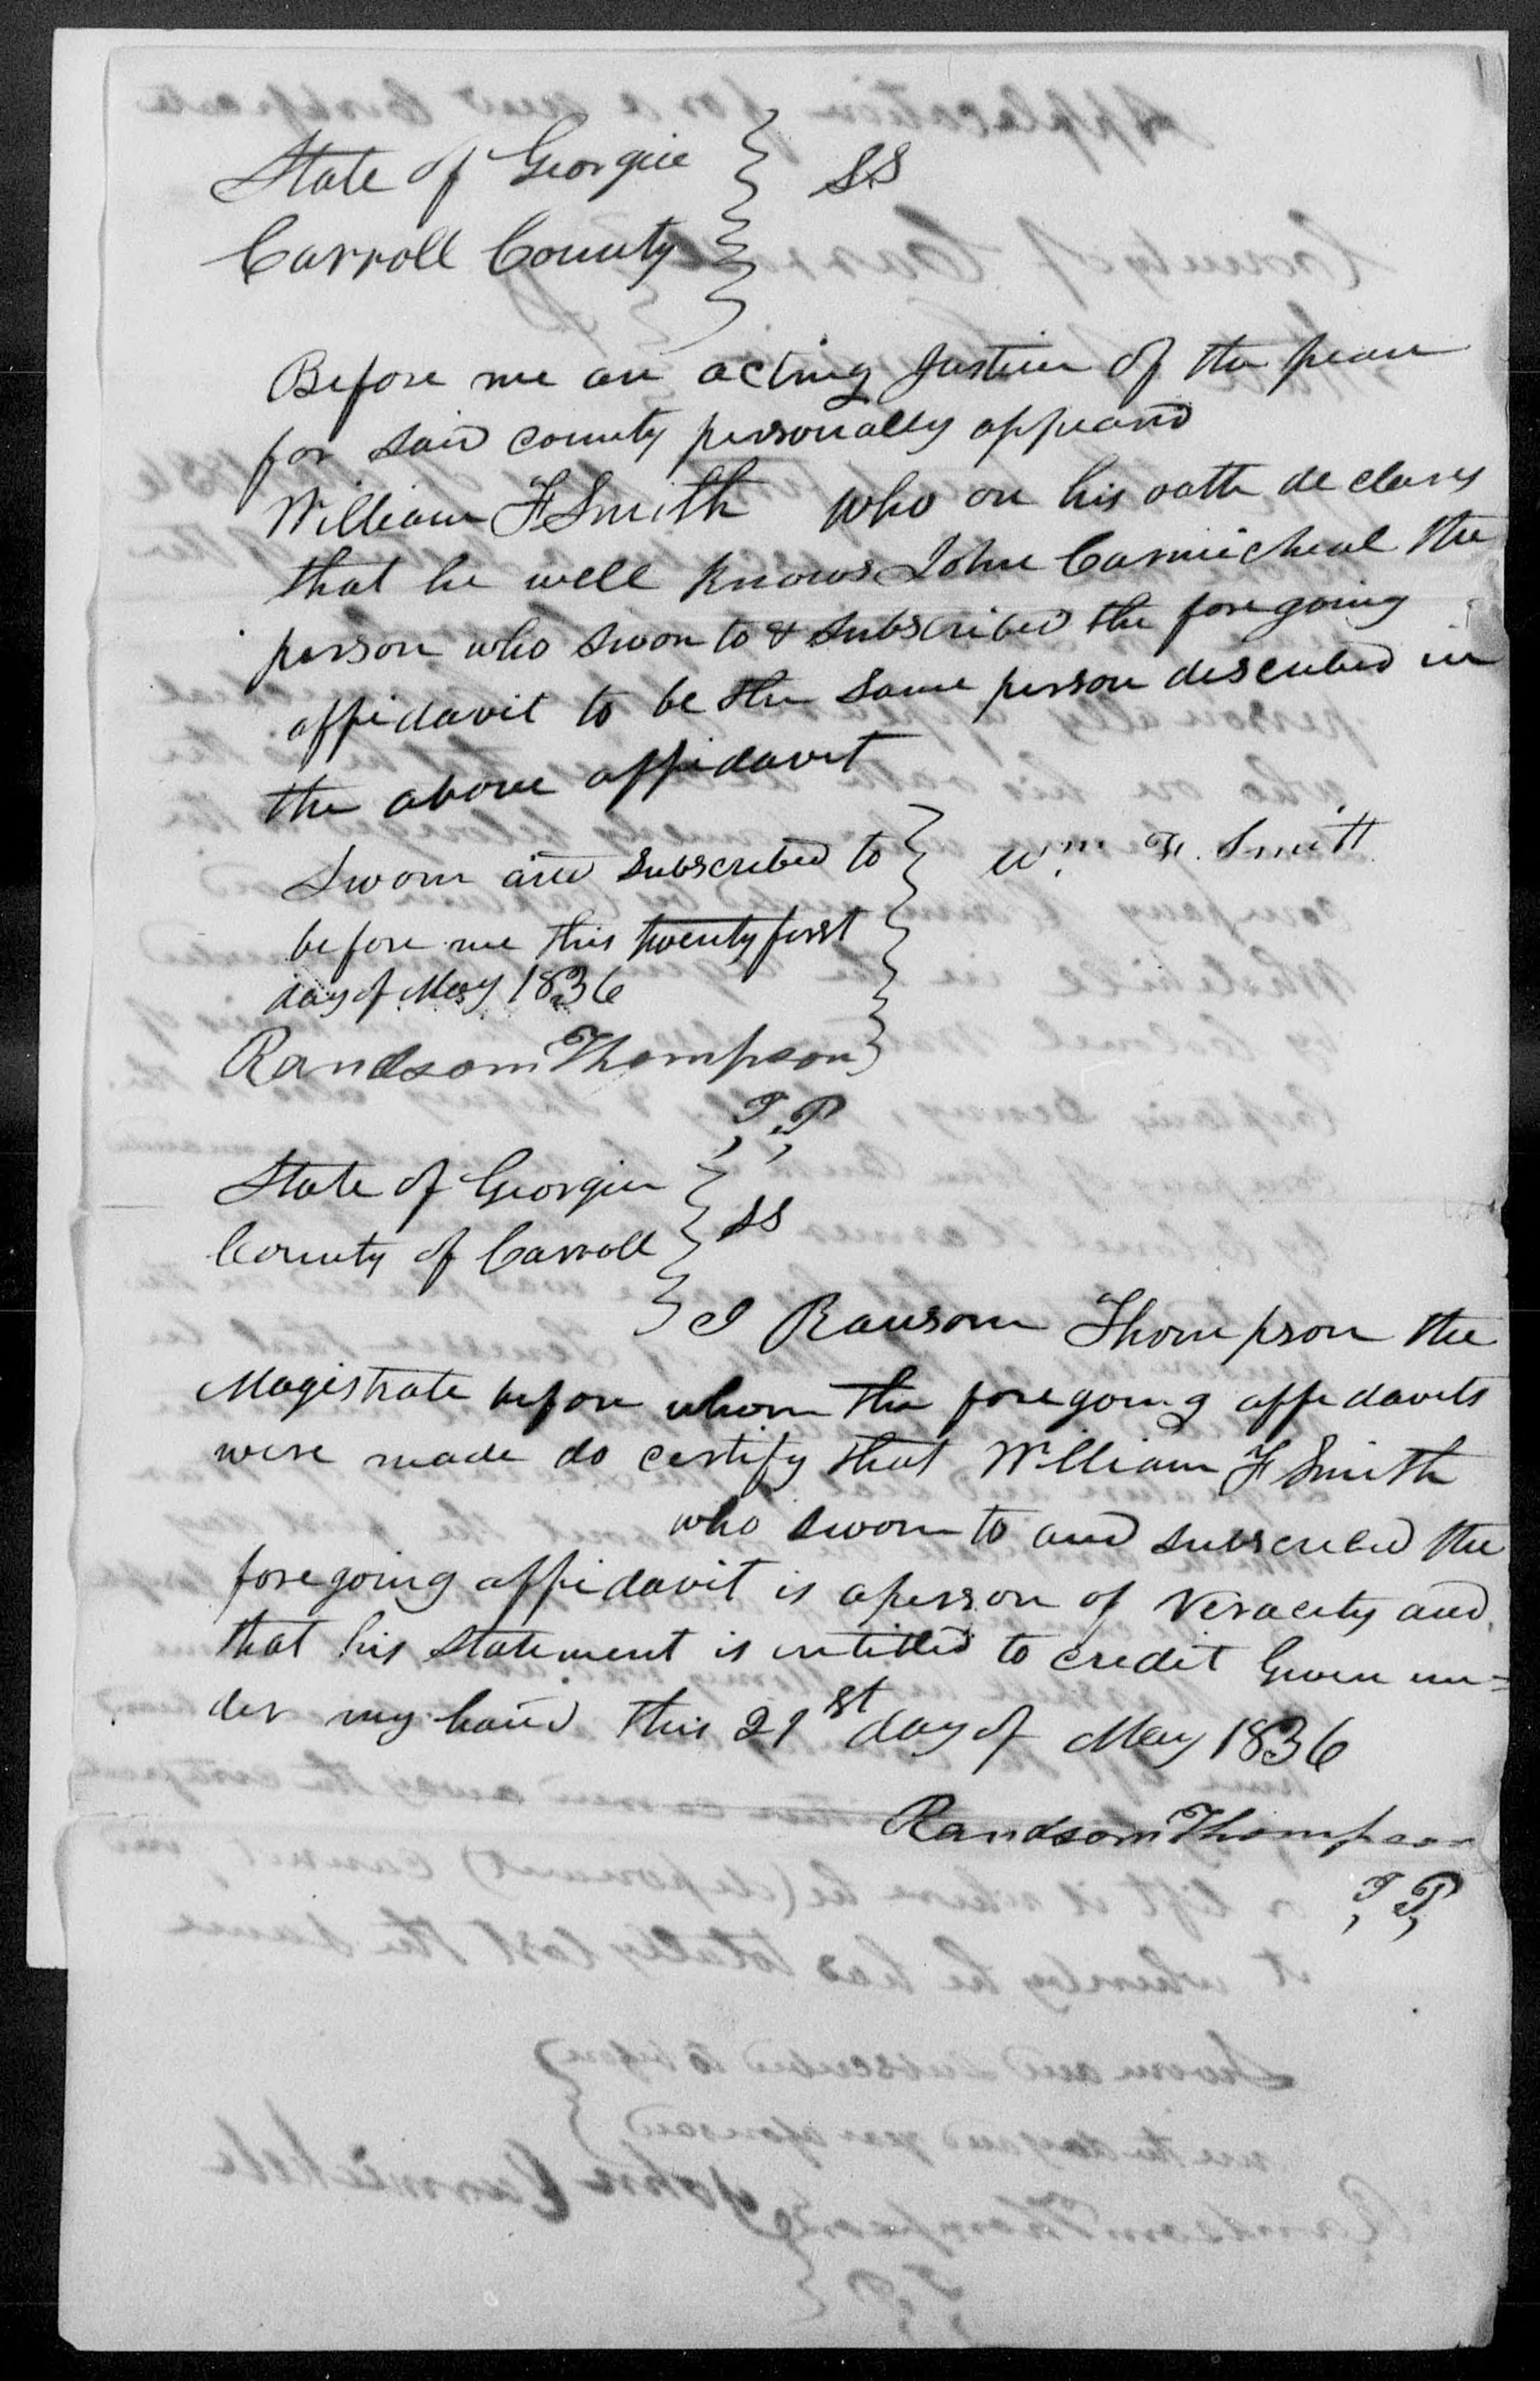State of Georgia
Carroll County } SS

Before me an acting Justice of the peace for Said county personally appeard[sp] William
F Smith who on his oath declares that he well knows John Carmichael the person who Swore to & Subscribed the foregoing affidavit to be the Same person described in the above affidavit 

Wm. F. Smith

Sworn and Subscribed to 
before me this twenty first
Day of May 1836}
Randsom Thompson}
J.P.

State of Georgia
County of Carroll} SS

I Ransom[sp] Thompson the Magistrate before whom the foregoing affidavits were made do certify that William F Smith who Swore to and Subscribed the foregoing affidavit is a person of Veracity and that his statement is entitled to credit Given under my hand this 21st day of May 1836
Randsom Thompson
J.P.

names: William F Smith, William F Smith, Randsom Thompson, Randsom Thompson, Ransom Thompson, Wm F Smitt, John Carmicheal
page: 23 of 42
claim: survivor's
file: S. 31,595, John Carmickele, Penn.